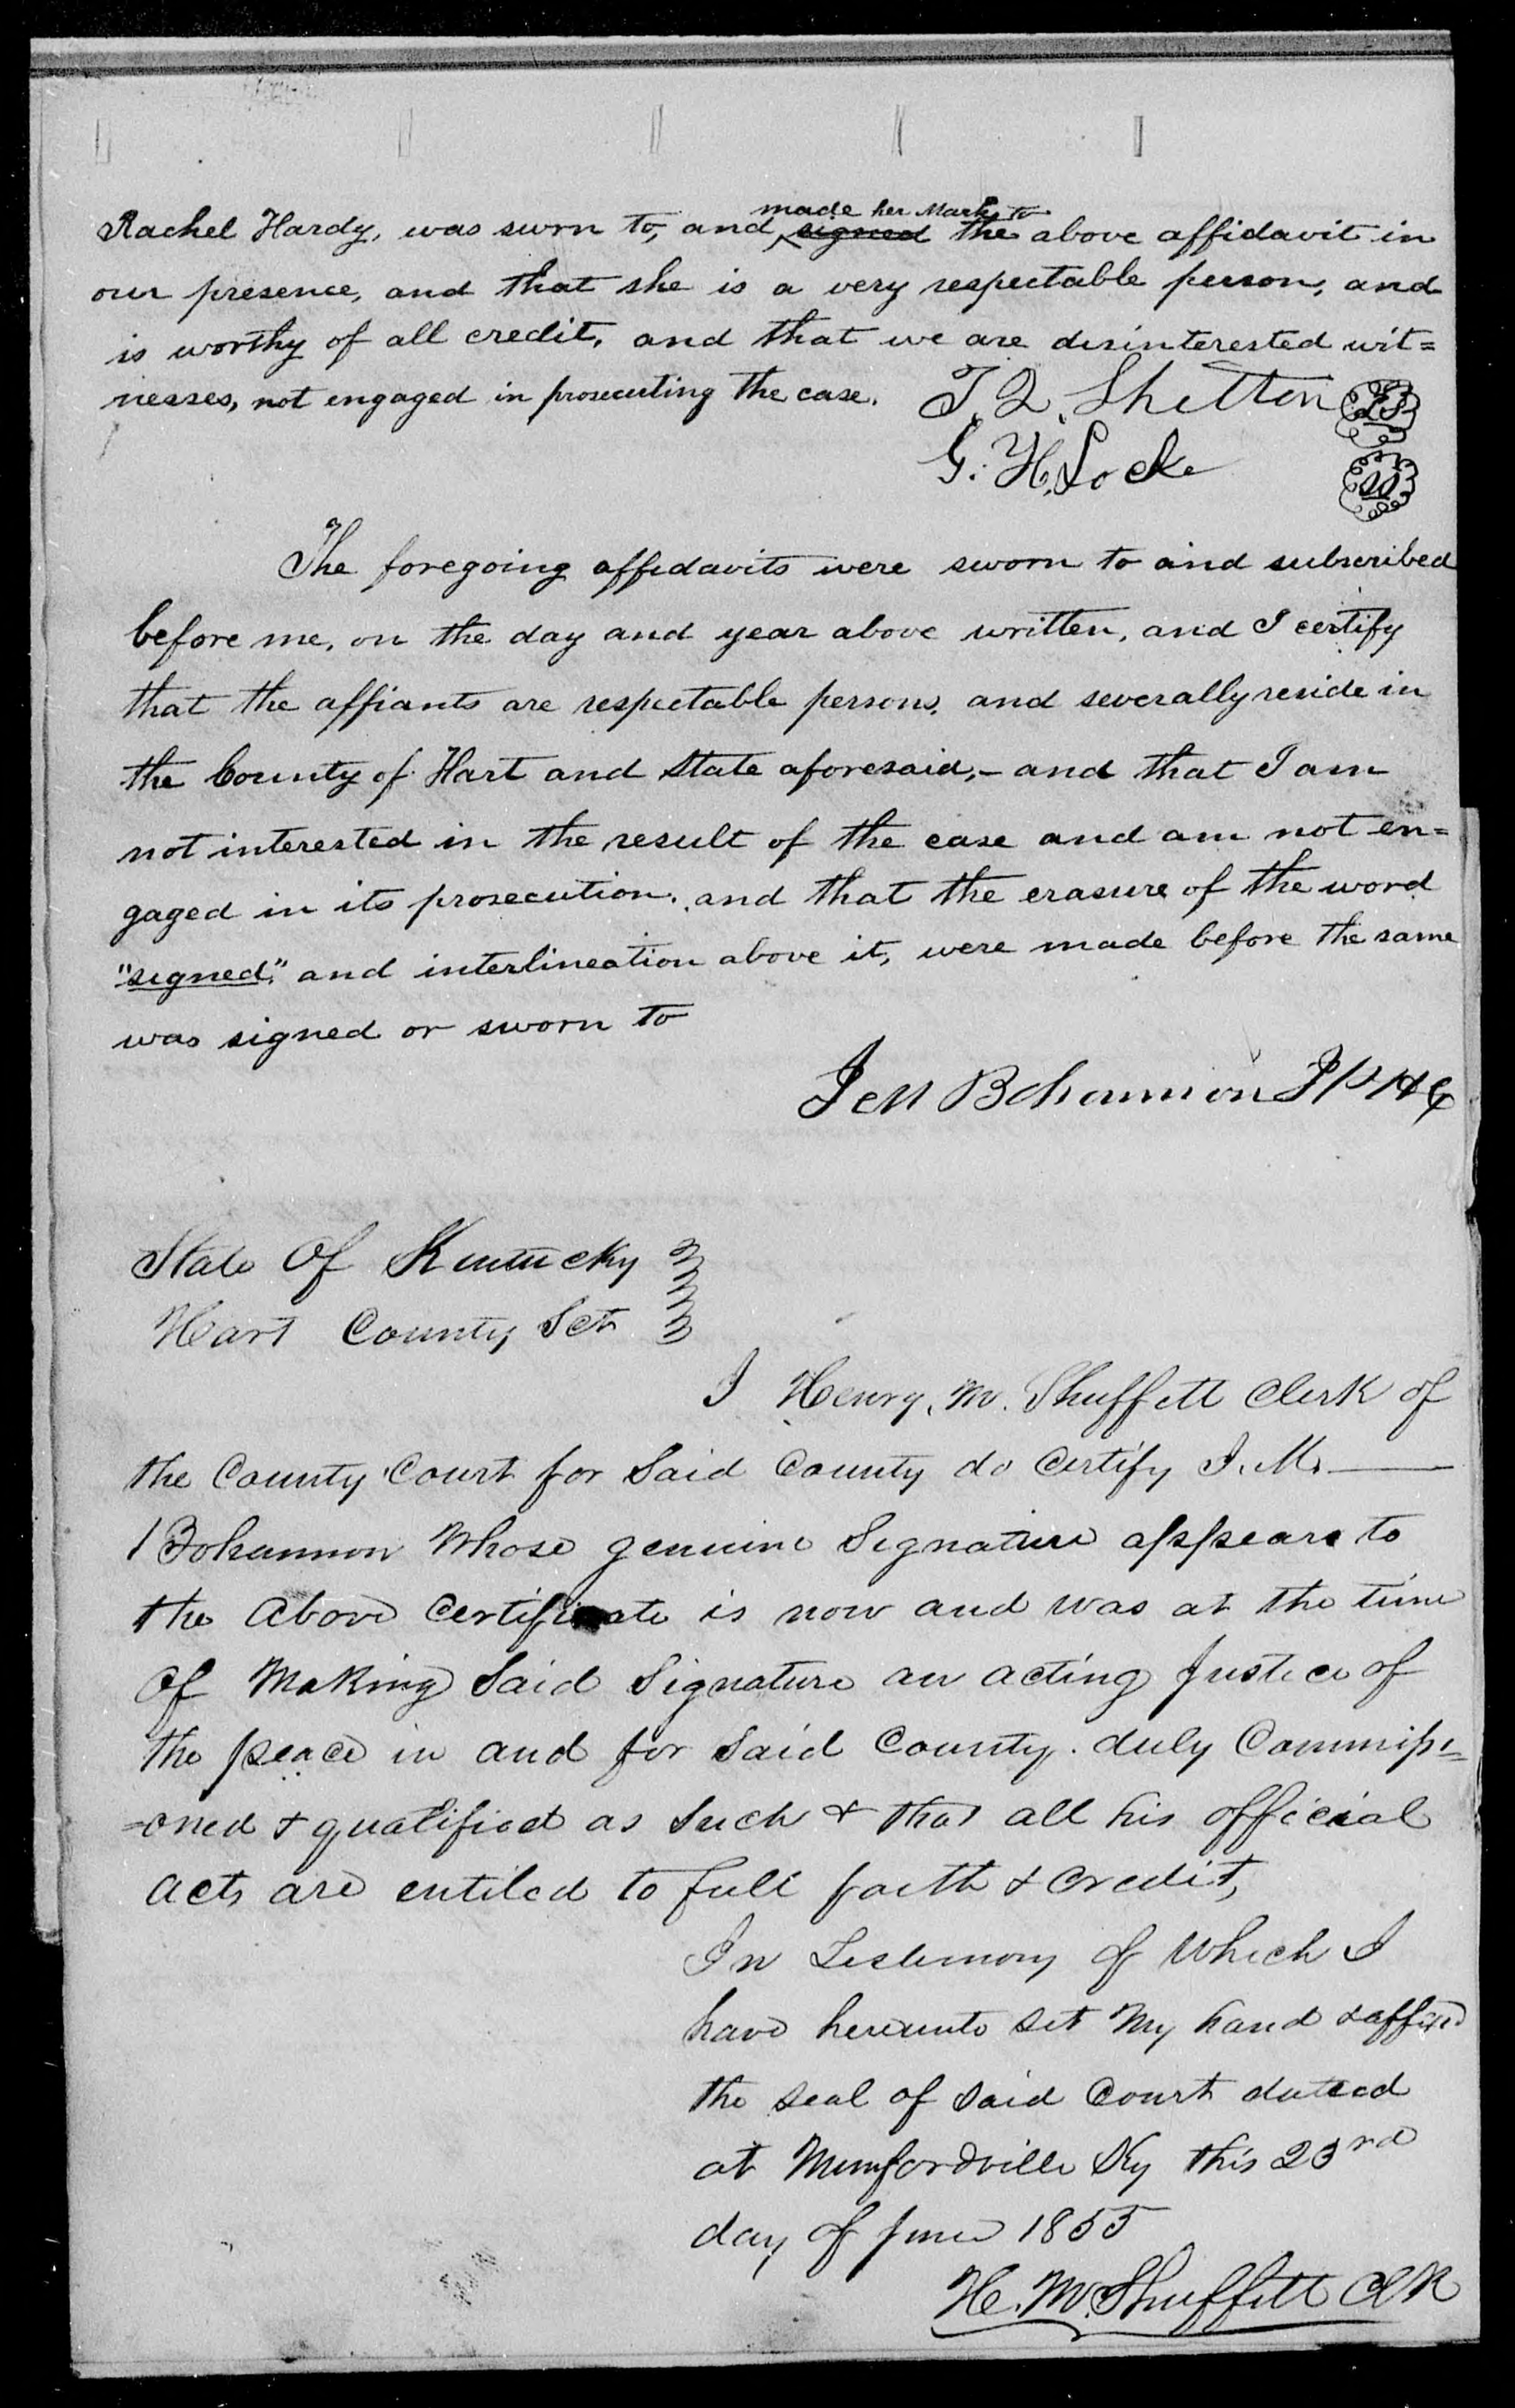Rachel Hardy, was sworn to, and made her mark to the above affidavit in our presence, and that she is a very respectable person, and is worthy of all credit, and that we are disinterested witnesses, not engaged in prosecuting the case.
T.Q. Shelton
G.H. Locke

The foregoing affidavits were sworn to and subscribed before me, on the day and year above written, and I certify that the affiants are respectable persons, and severally reside in the County of Hart and State aforesaid, - and that I am not intersted in the result of the case and am not engaged in its prosecution, and that the erasure of the word "signed" and interlineation above it, were made before the same was signed or sworn to
JM Bochannon JPHC

State of Kentucky}
Hart County Sct }
I Henry M Shuffett clerk of the country court for said county do certify J.M. Bohannon whose genuine signature appears to the above certificate is now and was at the time of making said signature an acting Justice of the Peace in and for said county duly commissioned & qualified as such & that all his official acts are entitled to full faith of credit,
In Testimony of which I have hereunto set my hand & affixed the seal of said court dated at Munfordville Ky this 23rd day of June 1855
H.M. Shuffett CLK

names: J M Bohannon, G H Locke, T Q Shelton, Rachel Hardy, Henry M Shuffett, J M Bohannon, H M Shuffett, Marks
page: 34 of 82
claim: widow's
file: W. 7,522, John Giles, N.C.